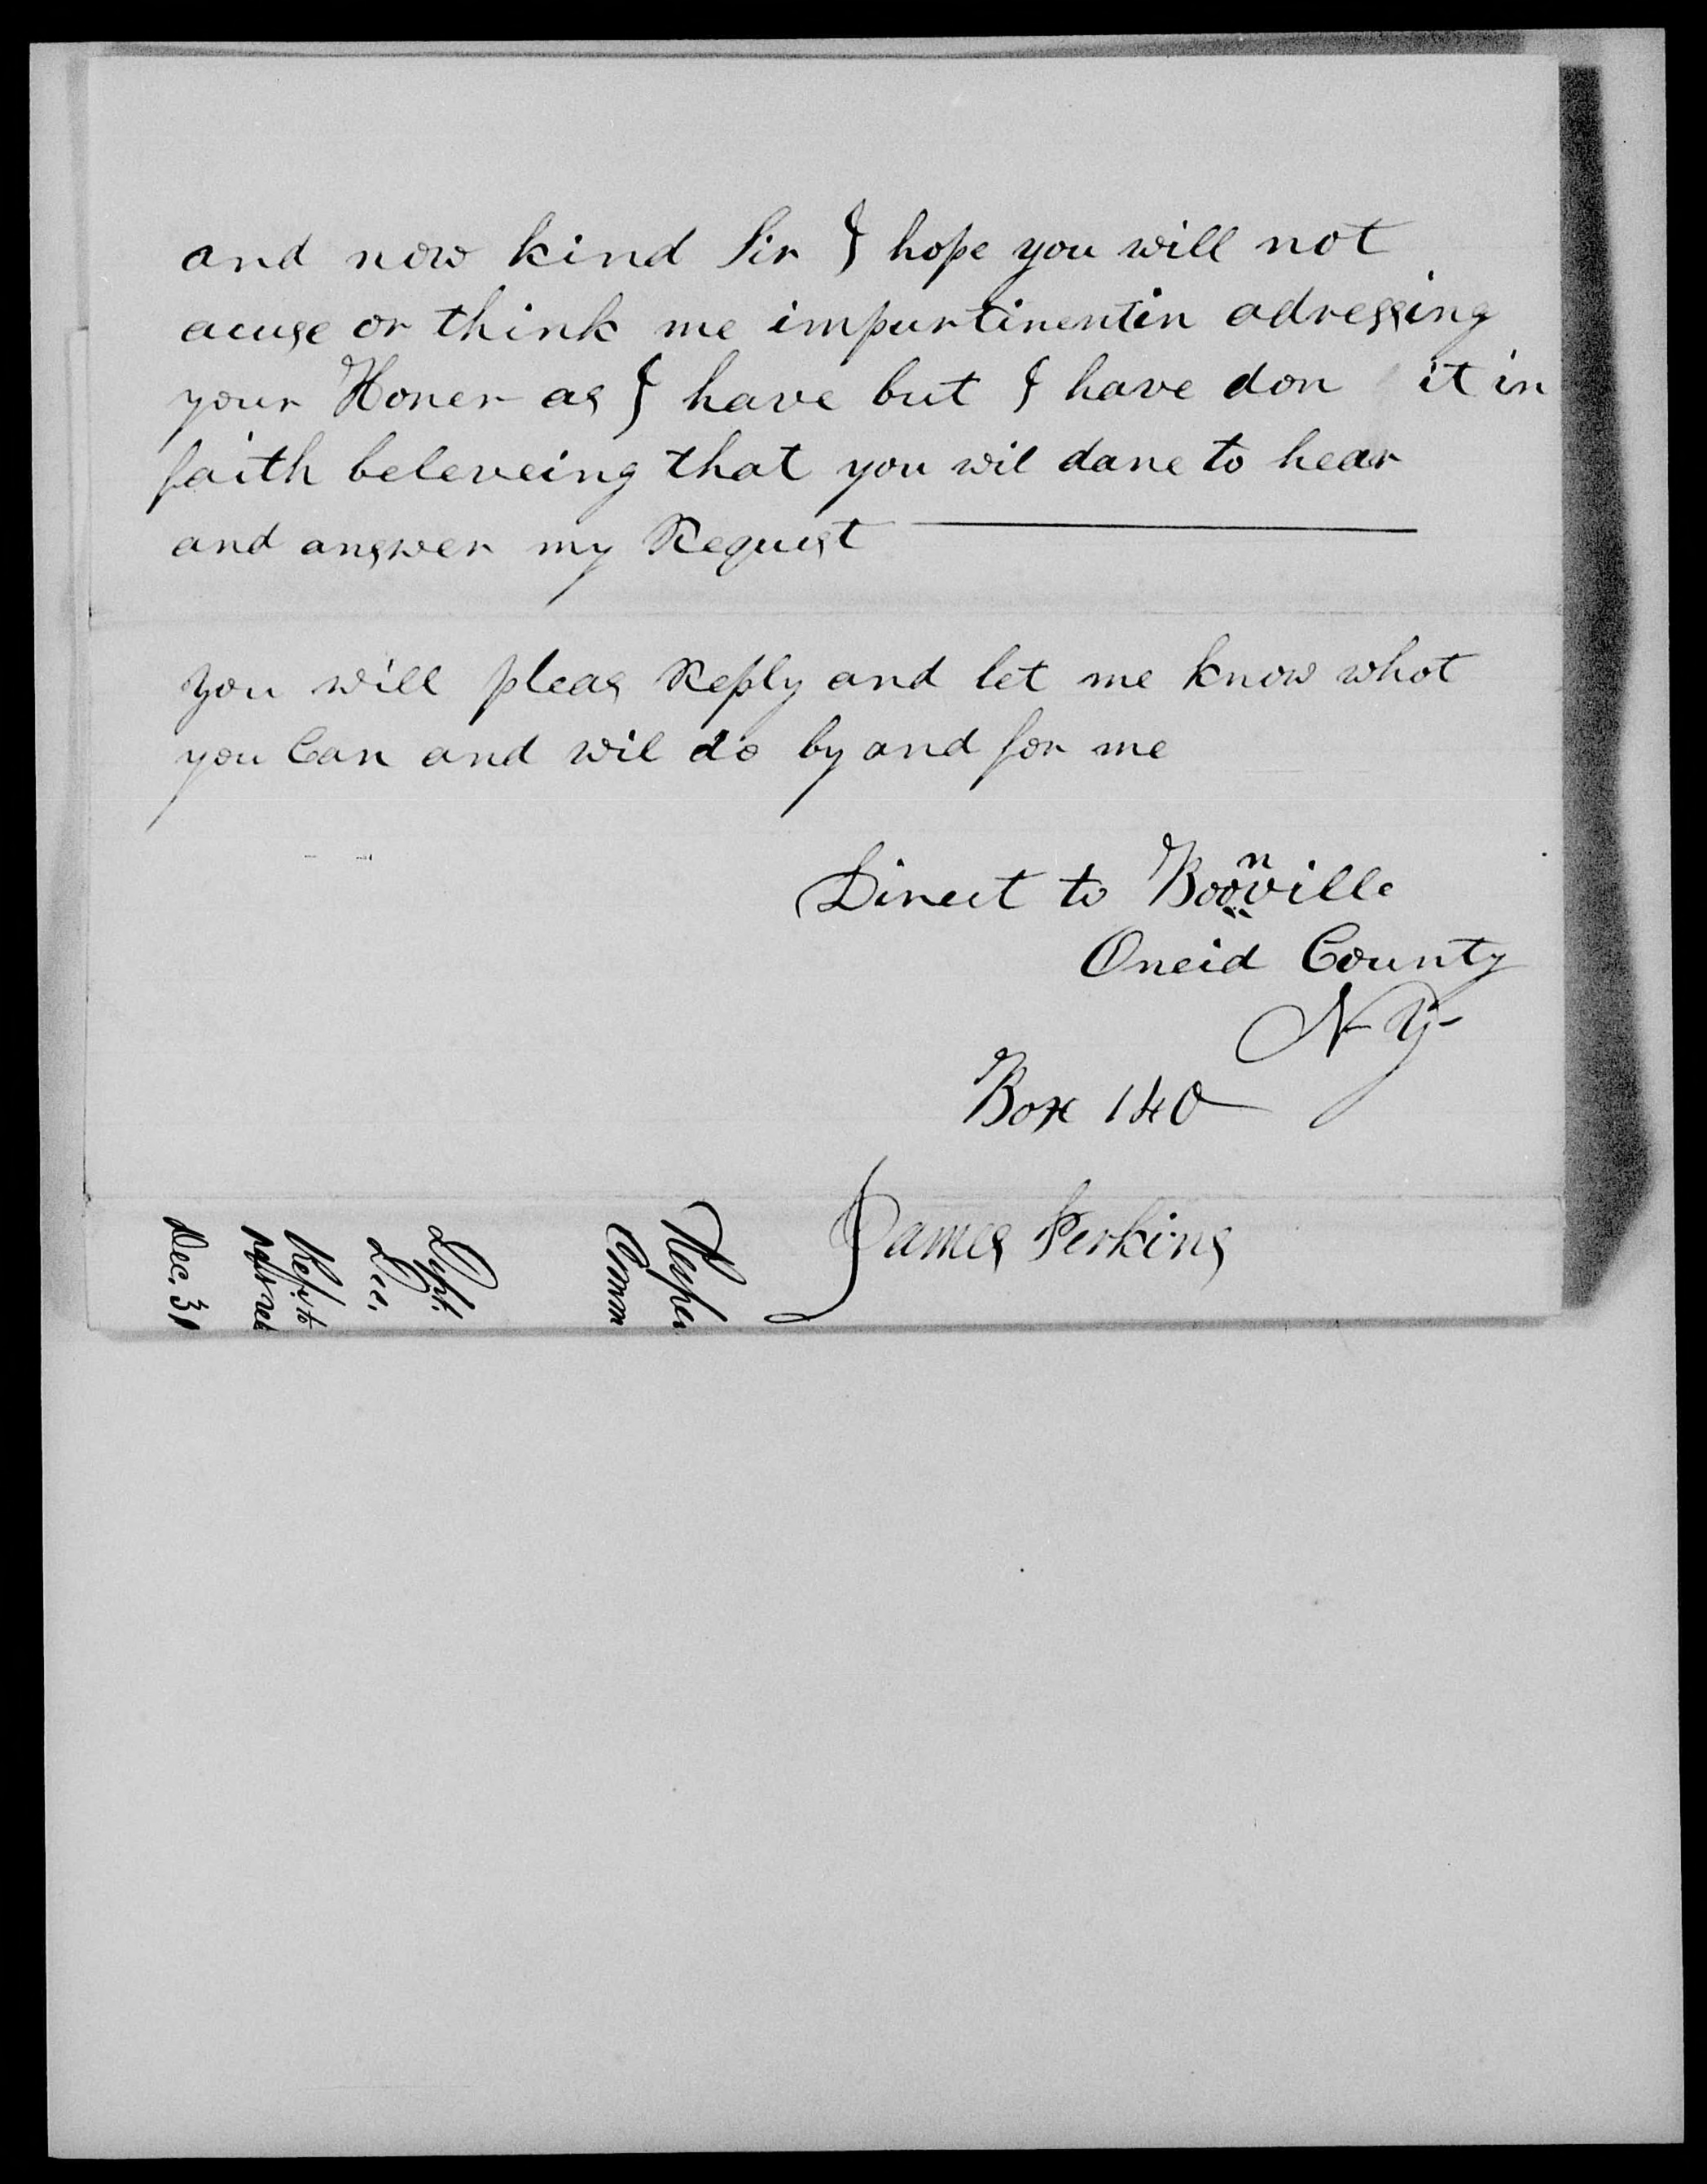and now kind Sir I hope you will not accuse or think me impurtinent in adressing your Honor as I have but I have don it in faith beleveing that you wil dare to hear and answer my Request 
you will pleas reply and let me know what you can and wil do by and for me 
Direct to Boonville 
Oneid County NY 
Box 140 
[signed] James Perkins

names: James Perkins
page: 20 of 44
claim: rejected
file: R. 17,033, for Joseph Perkins, New York